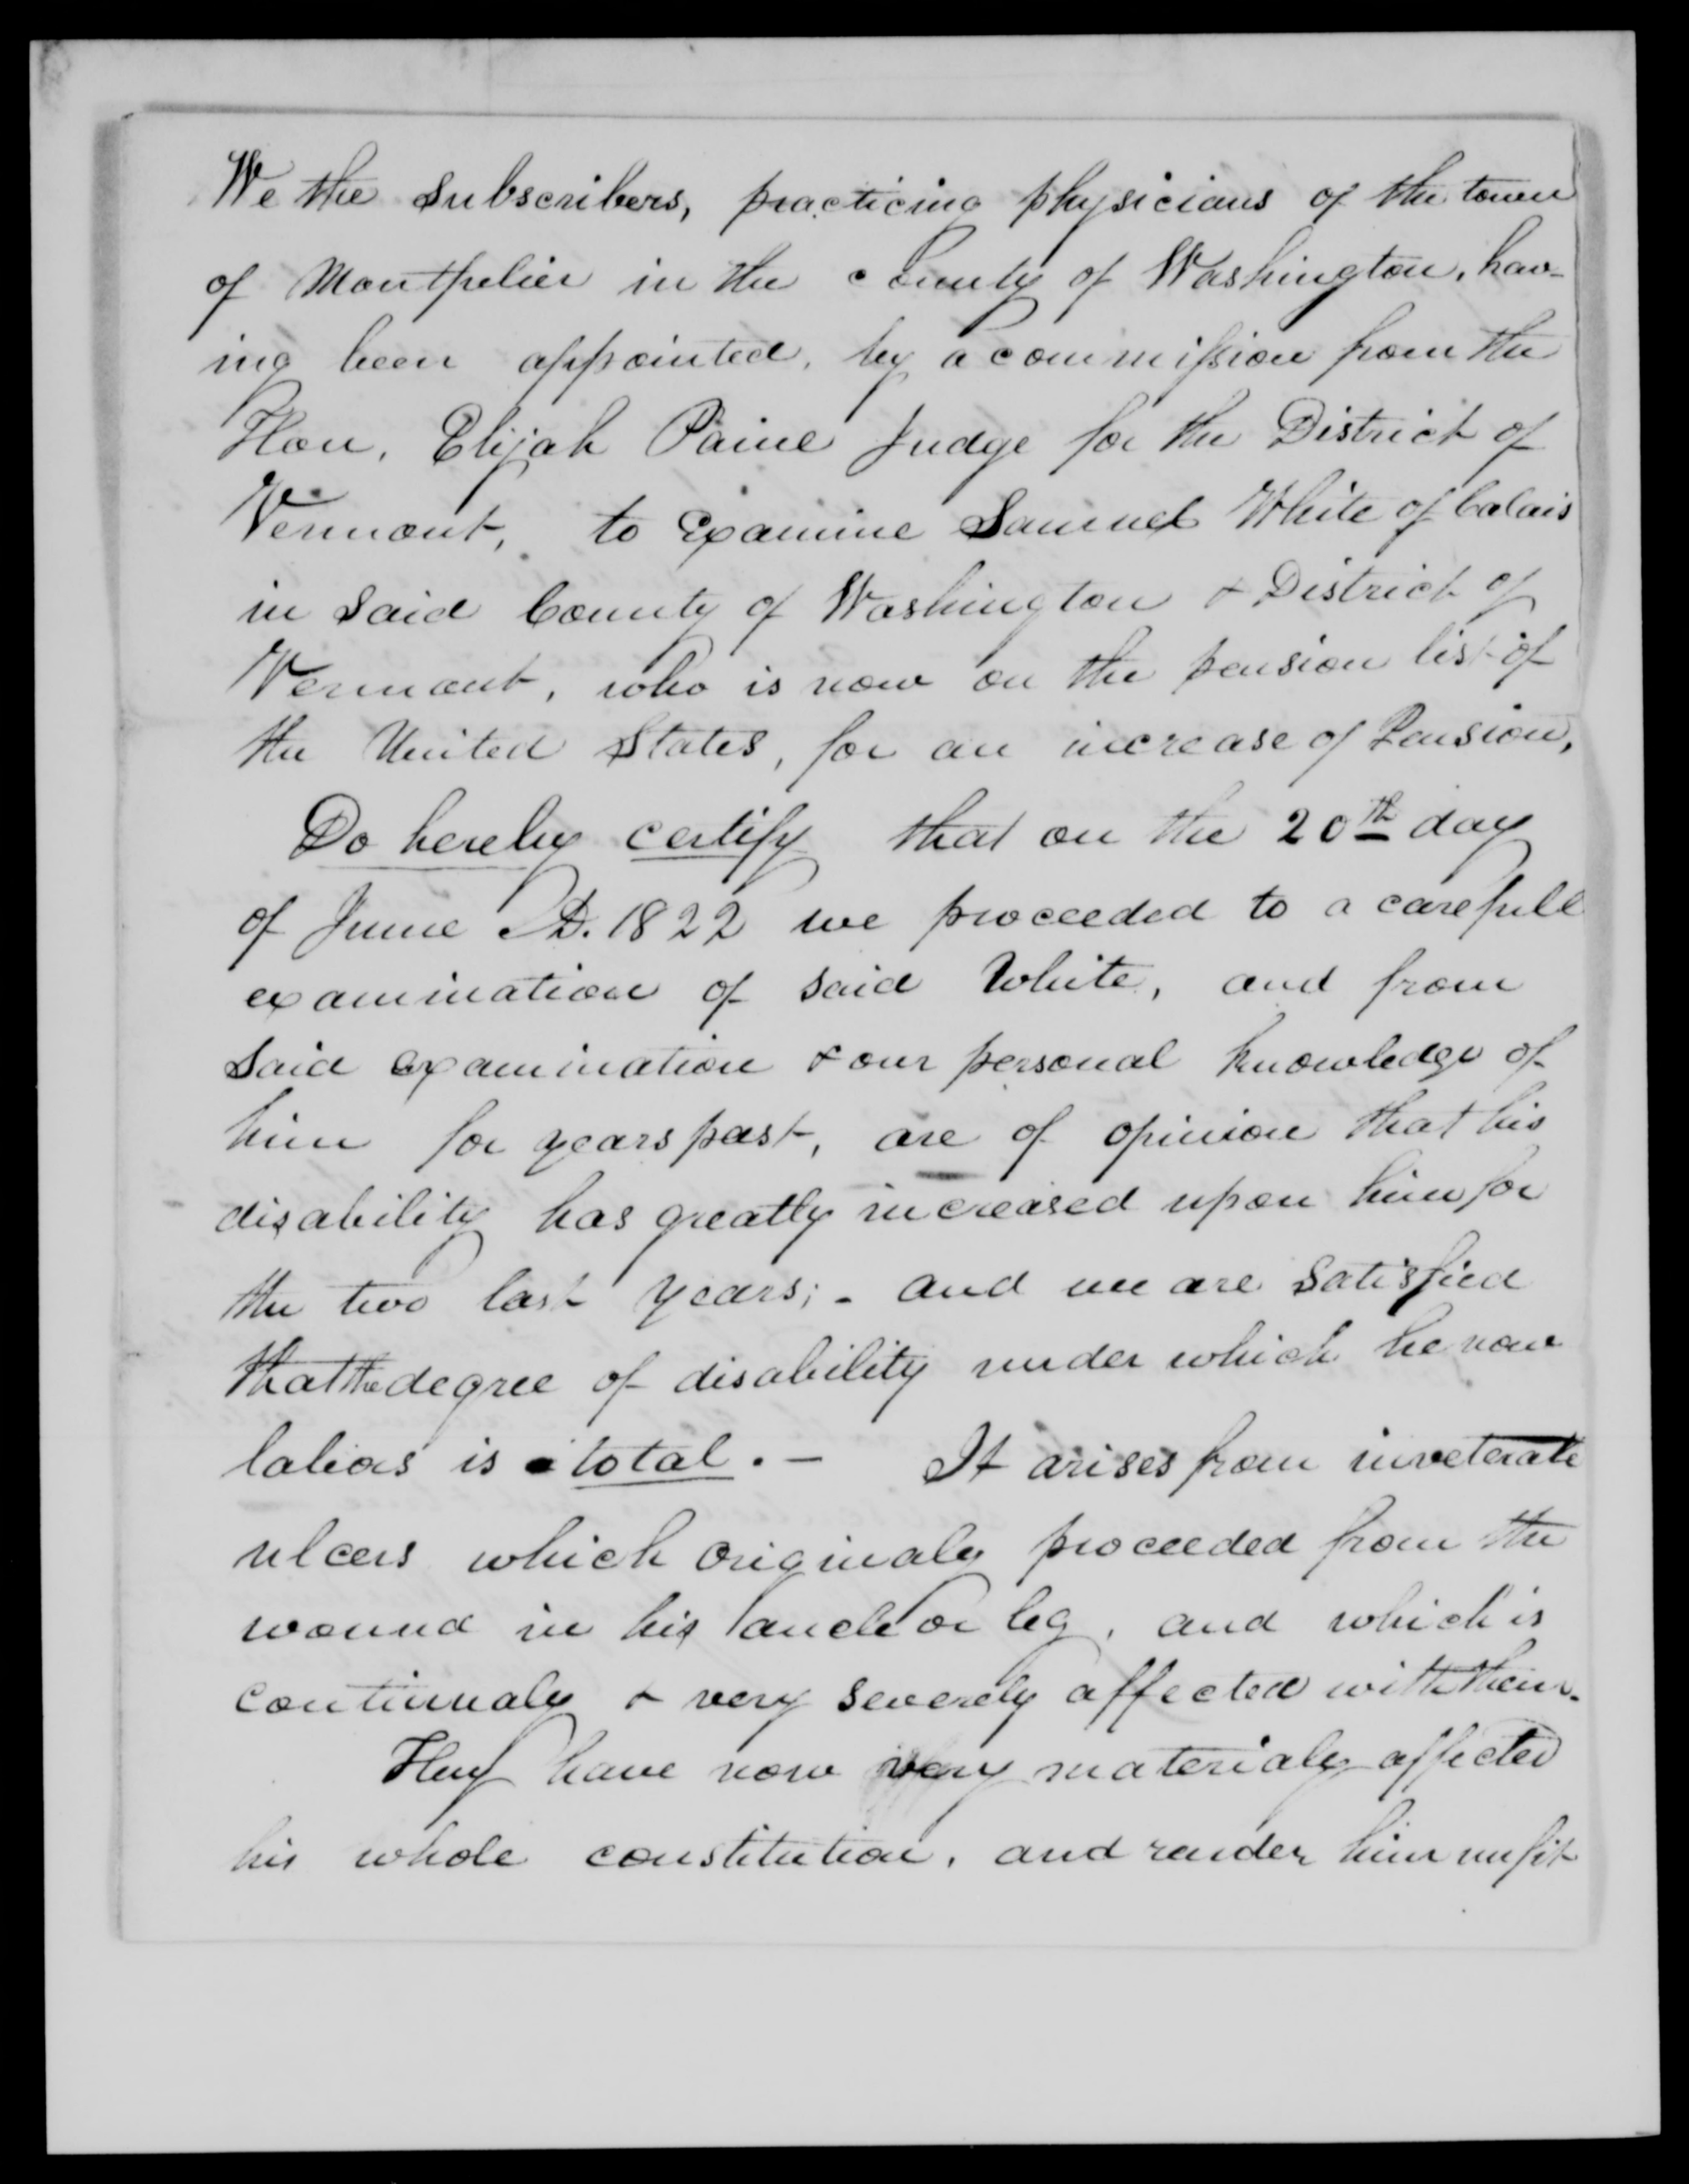We the subscribers, practicing physicians of the town of Montpelier in the County of Washington, having been appointed by a commission from the Hon. Elijah Paine Judge for the District of Vermont, to examine Samuel White of Calais in said County of Washington & District of Vermont, who is now on the Pension list of the United States, for increase of Pension, Do hereby certify that on the 20th day of June A.D. 1822 we proceeded to a carefull examination of said White, and from said examination & our personal knowledge of him for years past, are of opinion that his disability has greatly increased upon him for the two last years; and we are satisfied that the degree of disability under which he now labors is total (underlined). I arises from inveterate ulcers which originally proceeded from the wound in his ankle or leg, and which is continually & very severely affected with them.
They have now very materialy affected his whole constitution and render him unfit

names: Samuel White, Elijah Paine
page: 38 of 79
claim: survivor's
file: S. 11759, Samuel White, Mass.